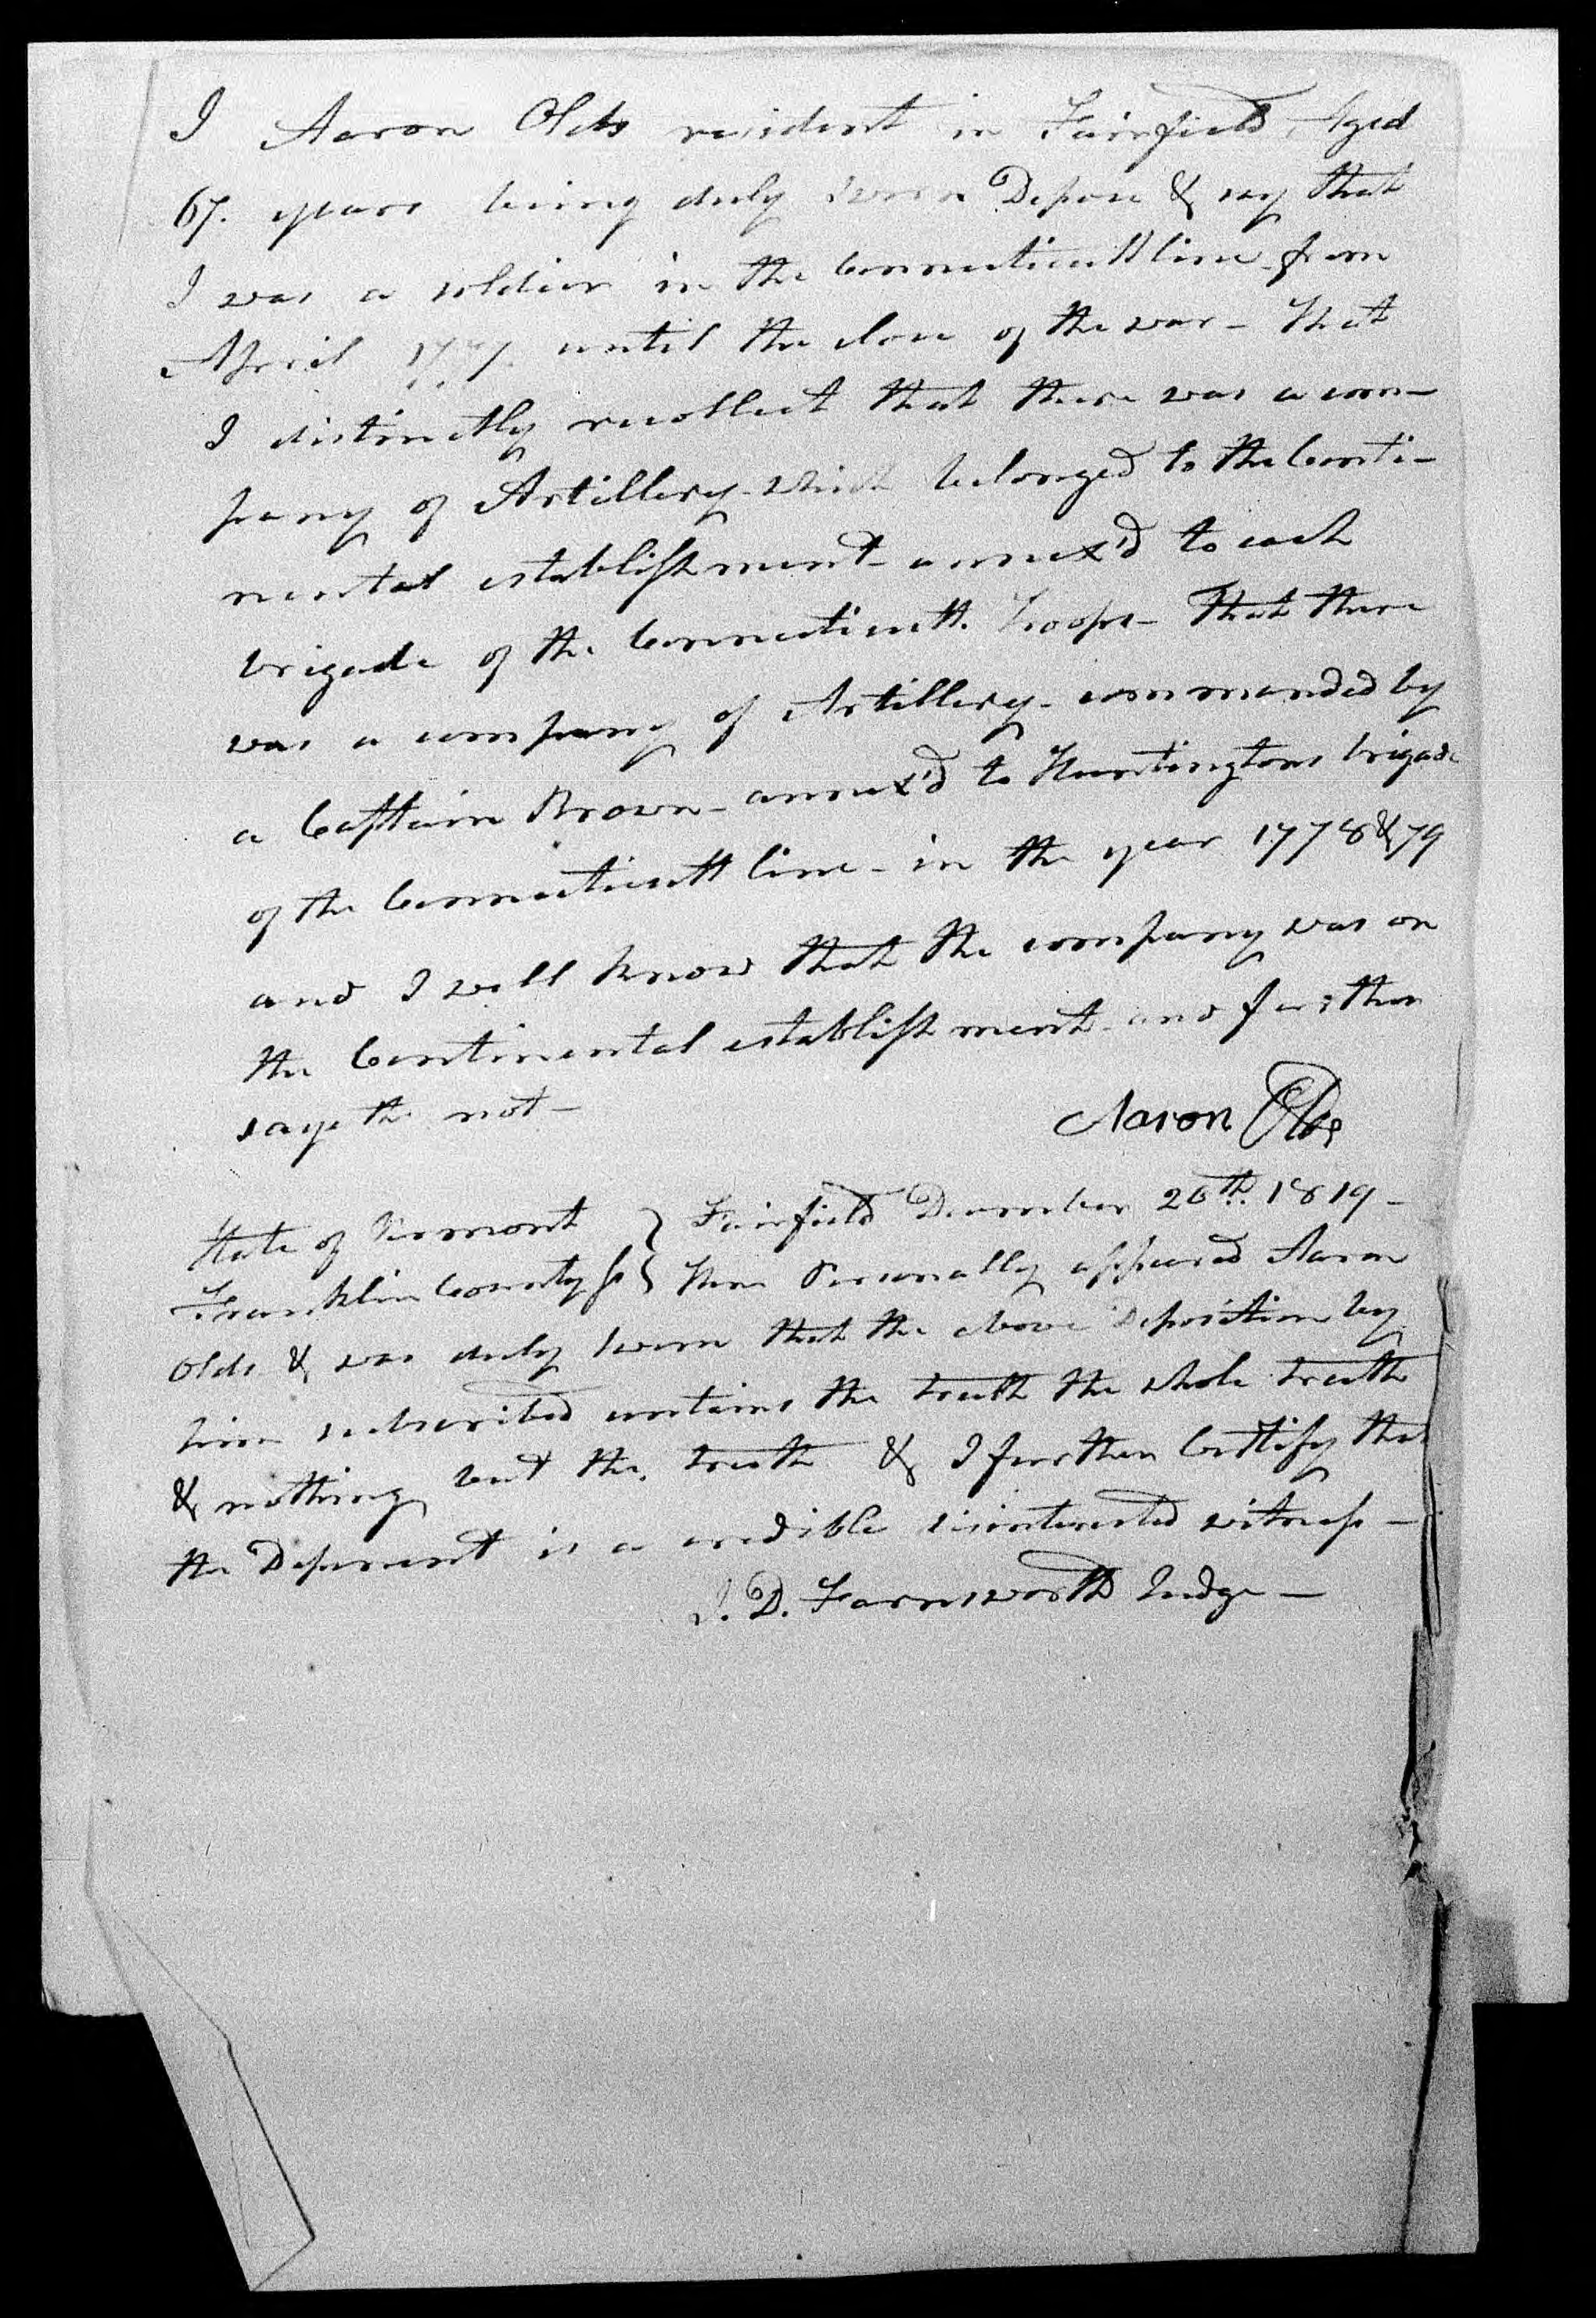I Aaron Olds resident in Fairfield Aged 67 years being duly sworn Depose & say that I was a soldier in the Connecticut line from ILLEGIBLE 1779 until the term of the war- that I distinctly recalled that there was a company of Artillery which belonged to the Connecticut establishment annex'd to each brigade of the Connecticut troops - that there was a company of Artillery commanded by a Captain Brown annex'd to Huntingtons brigade of the Connecticut line - in the year 1778 & 79 and I will know that the company was on the continental establishment and further say not - 
Aaron Olds
State of Vermont } Fairfield December 20th 1819 Franklin County sworn personally appeared Aaron Olds & was duly sworn that the above deposition by him subscribed contains the truth the whole truth nothing but the truth & I further certify that the Deponent is a credible disinterested witness - J D Farnsworth Judge -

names: Brown, J D Farnsworth, Aaron Olds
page: 45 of 58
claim: widow's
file: W. 25813, Jehiel Hull, Conn.